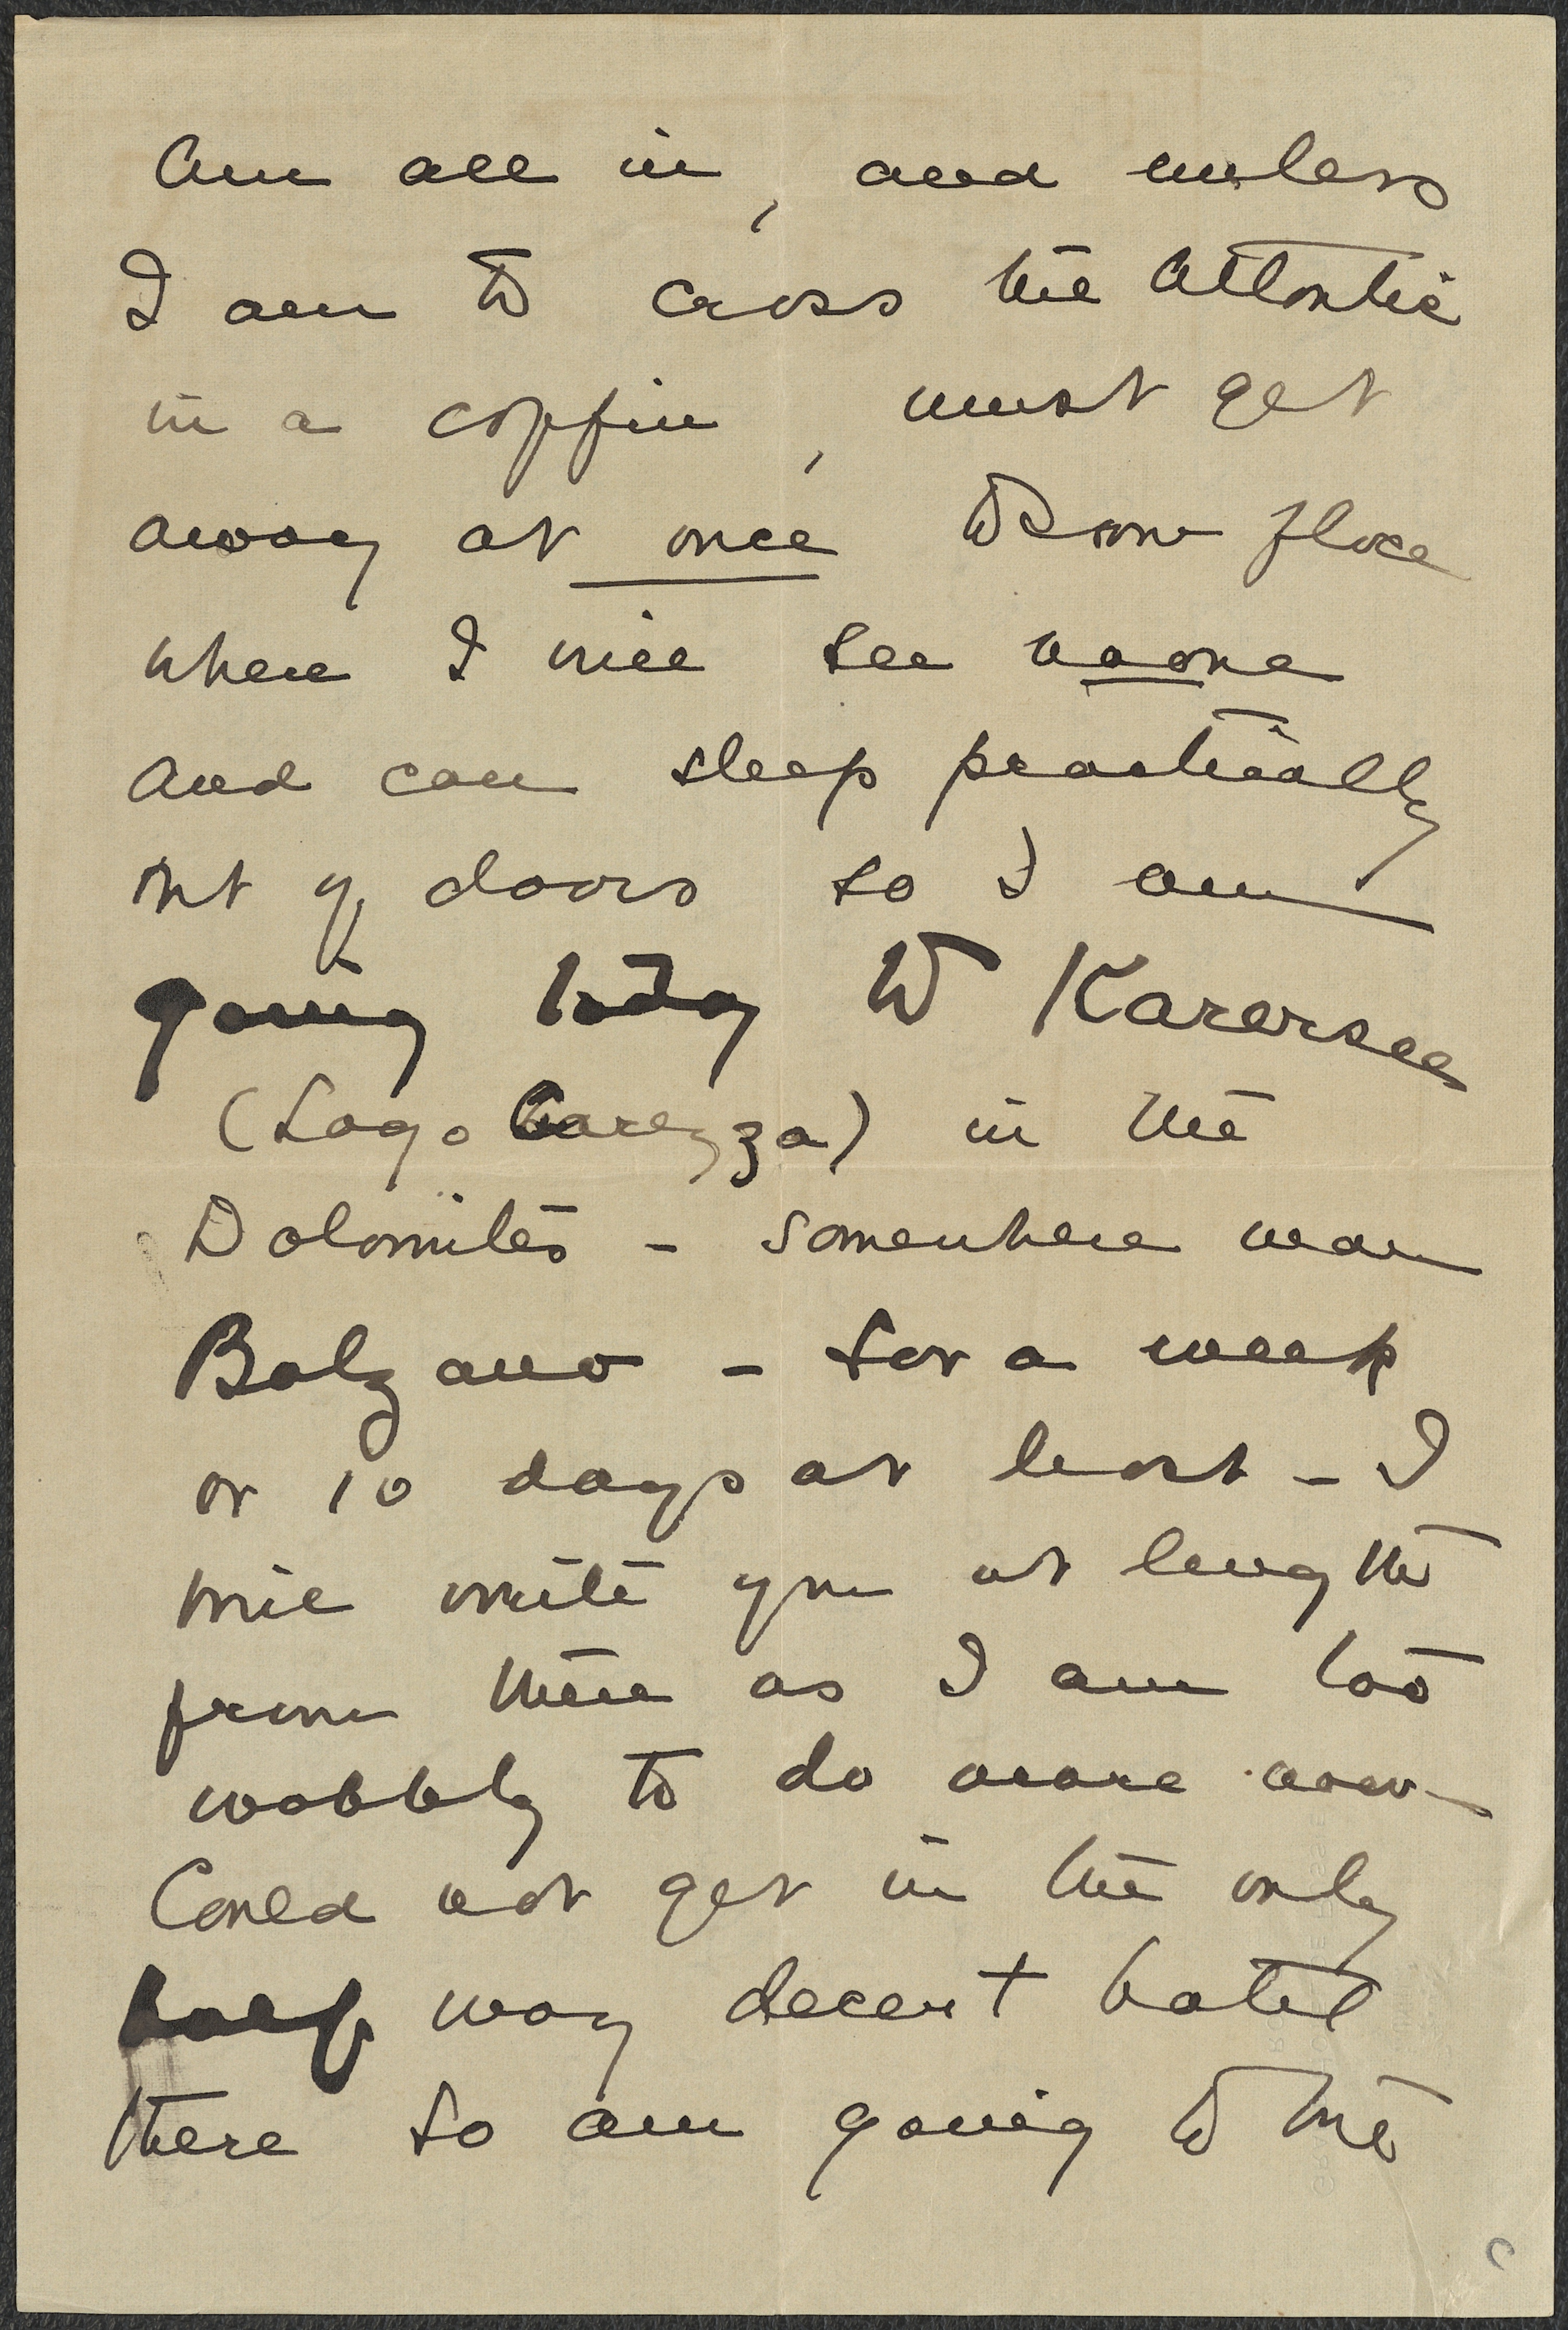am all in, and unless I am to cross the Atlantic in a coffin, must get away at once to some place where I will see noone [sic] and can sleep practically out of doors so I am going today to Karersee (Lago Carezza) in the Dolomites – somewhere near Bolzano – for a week or 10 days at least – I will write you at length from there as I am too wobbly to do more now – Could not get in the only half way decent hotel there so am going to the